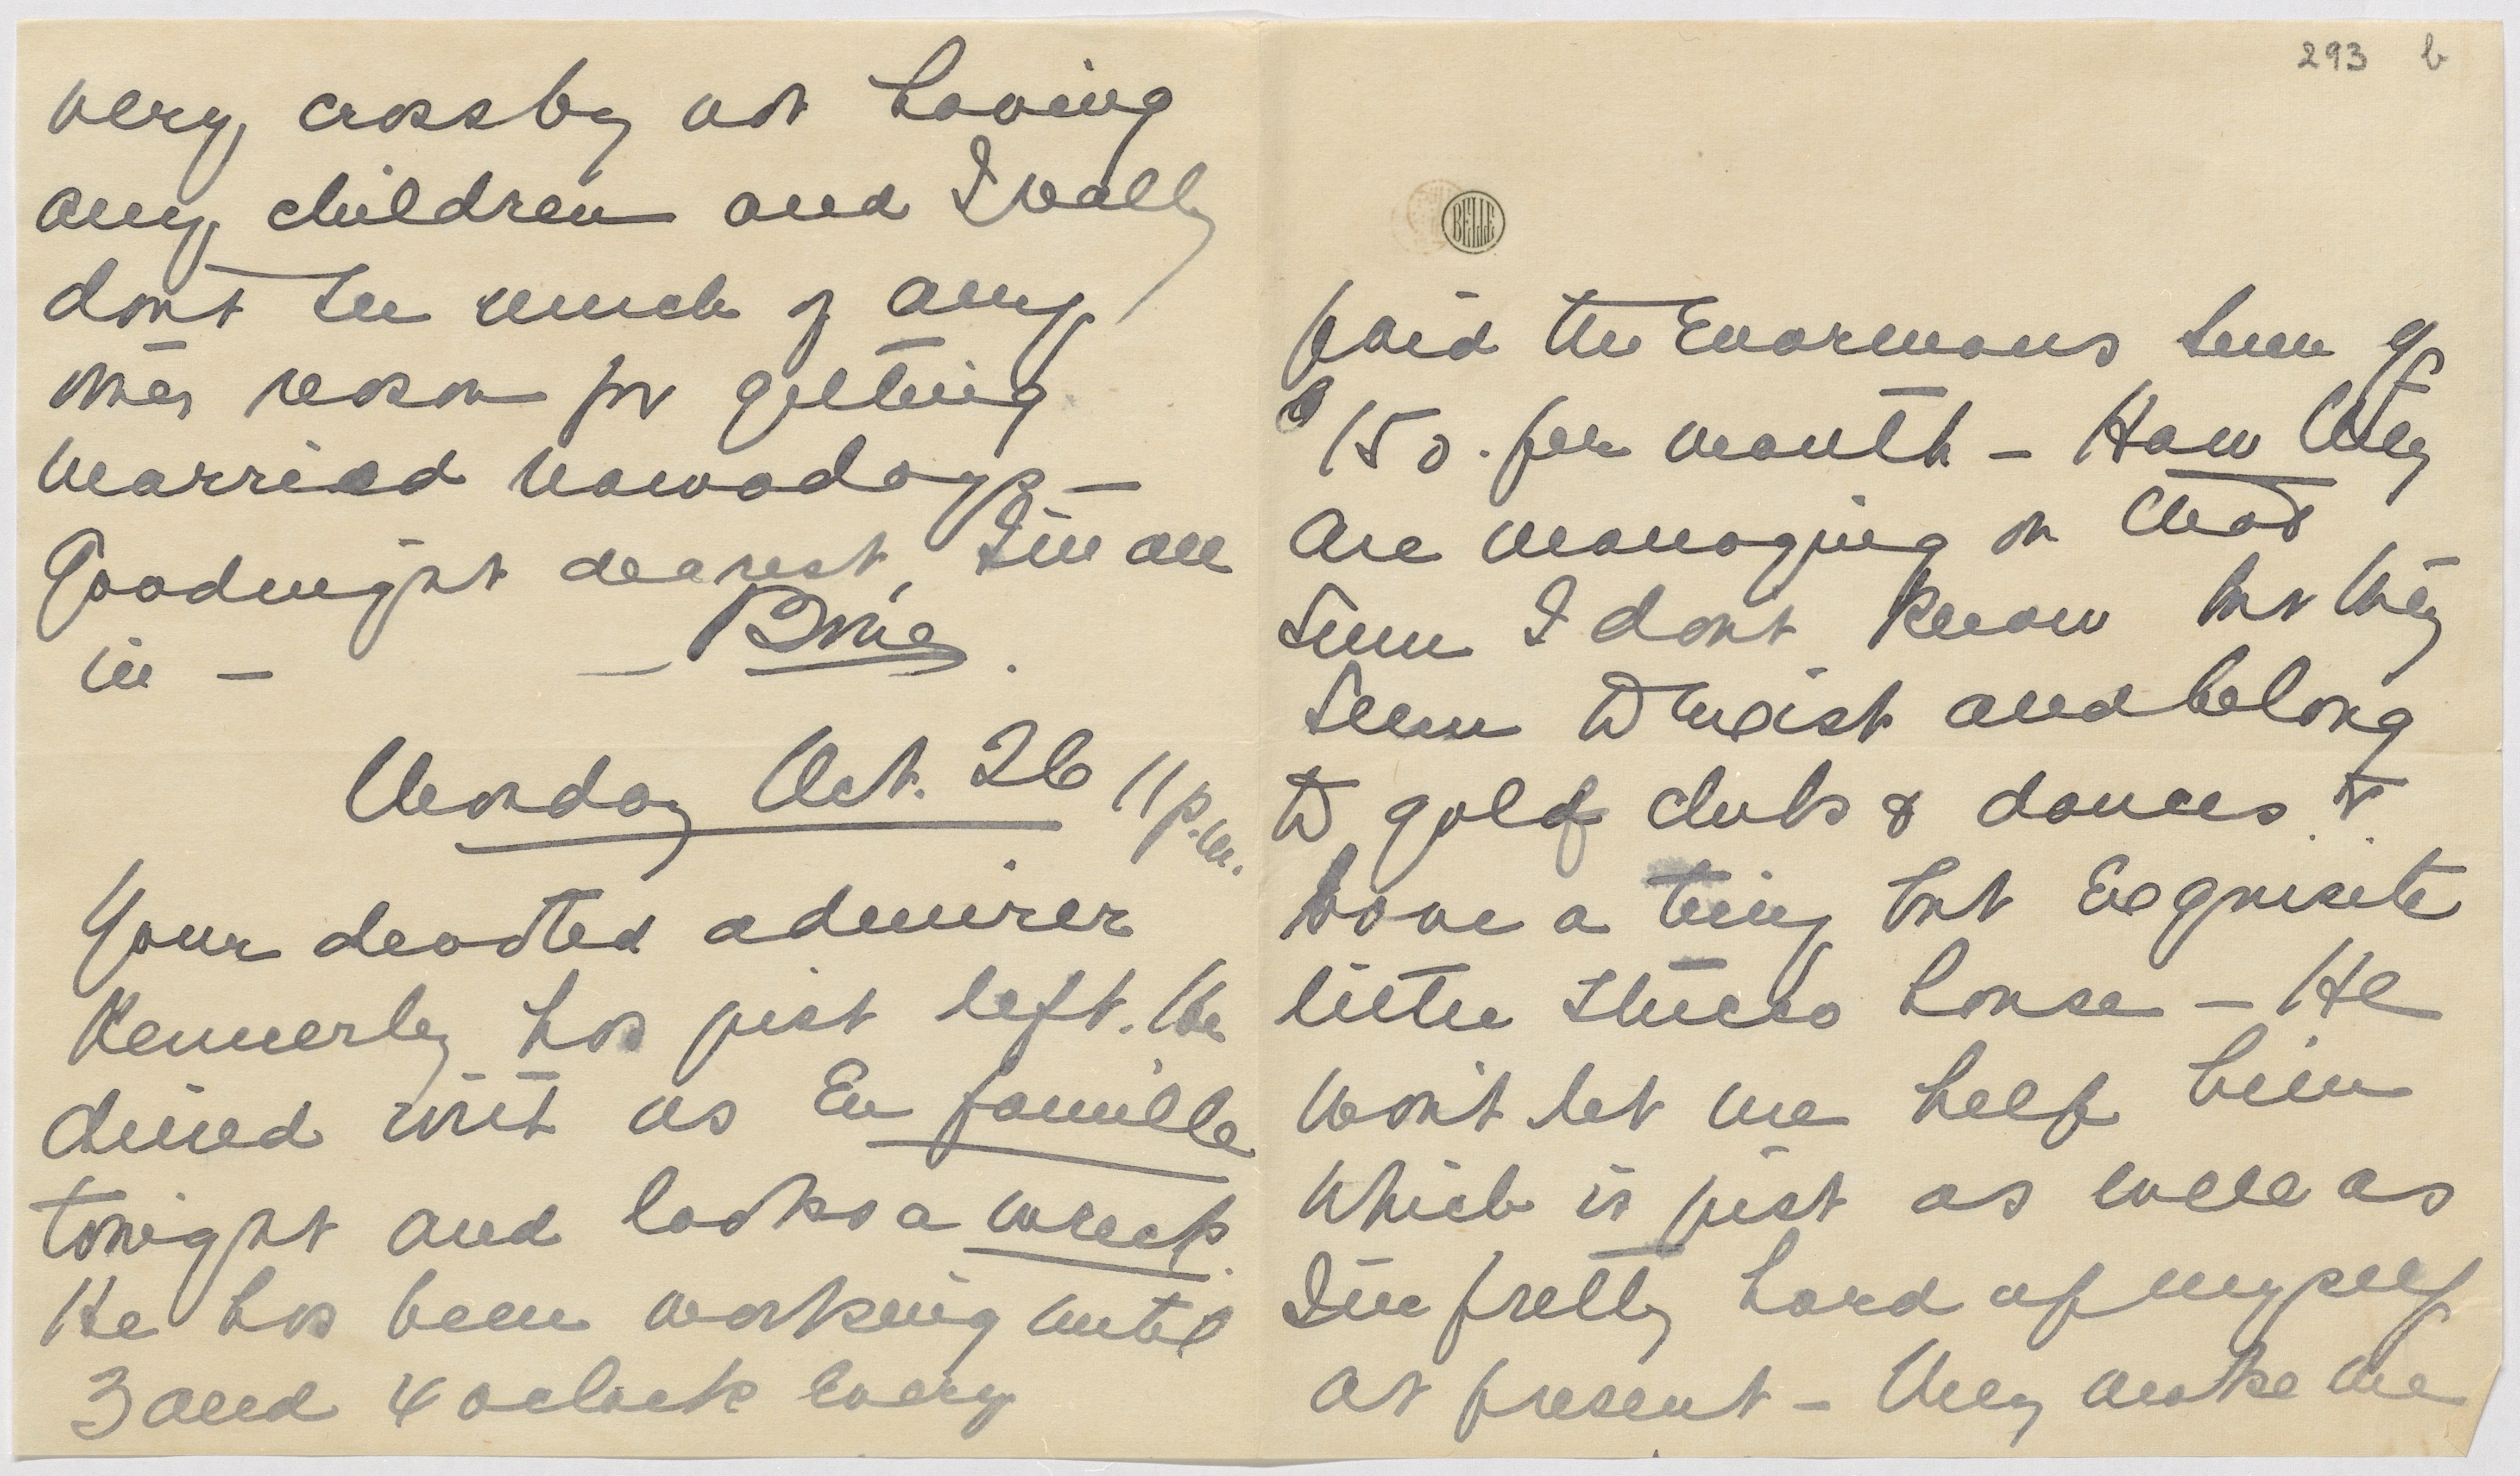paid the enormous sum of $150. per month – How they are managing on that sum I don’t know but they seem to exist and belong to gold clubs & dances & have a tiny but exquisite little stucco house – He won’t let me help him which is just as well as I’m pretty hard up myself at present – They make me
very cross by not having any children and I really don’t see much of any other reason for getting married nowadays – Goodnight dearest, I’m all in – Belle
Monday Oct. 26 11 p.m.
Your devoted admirer Kennerley has just left. He dined with us en famille tonight and looks a wreck. He has been working until 3 and 4 oclock every